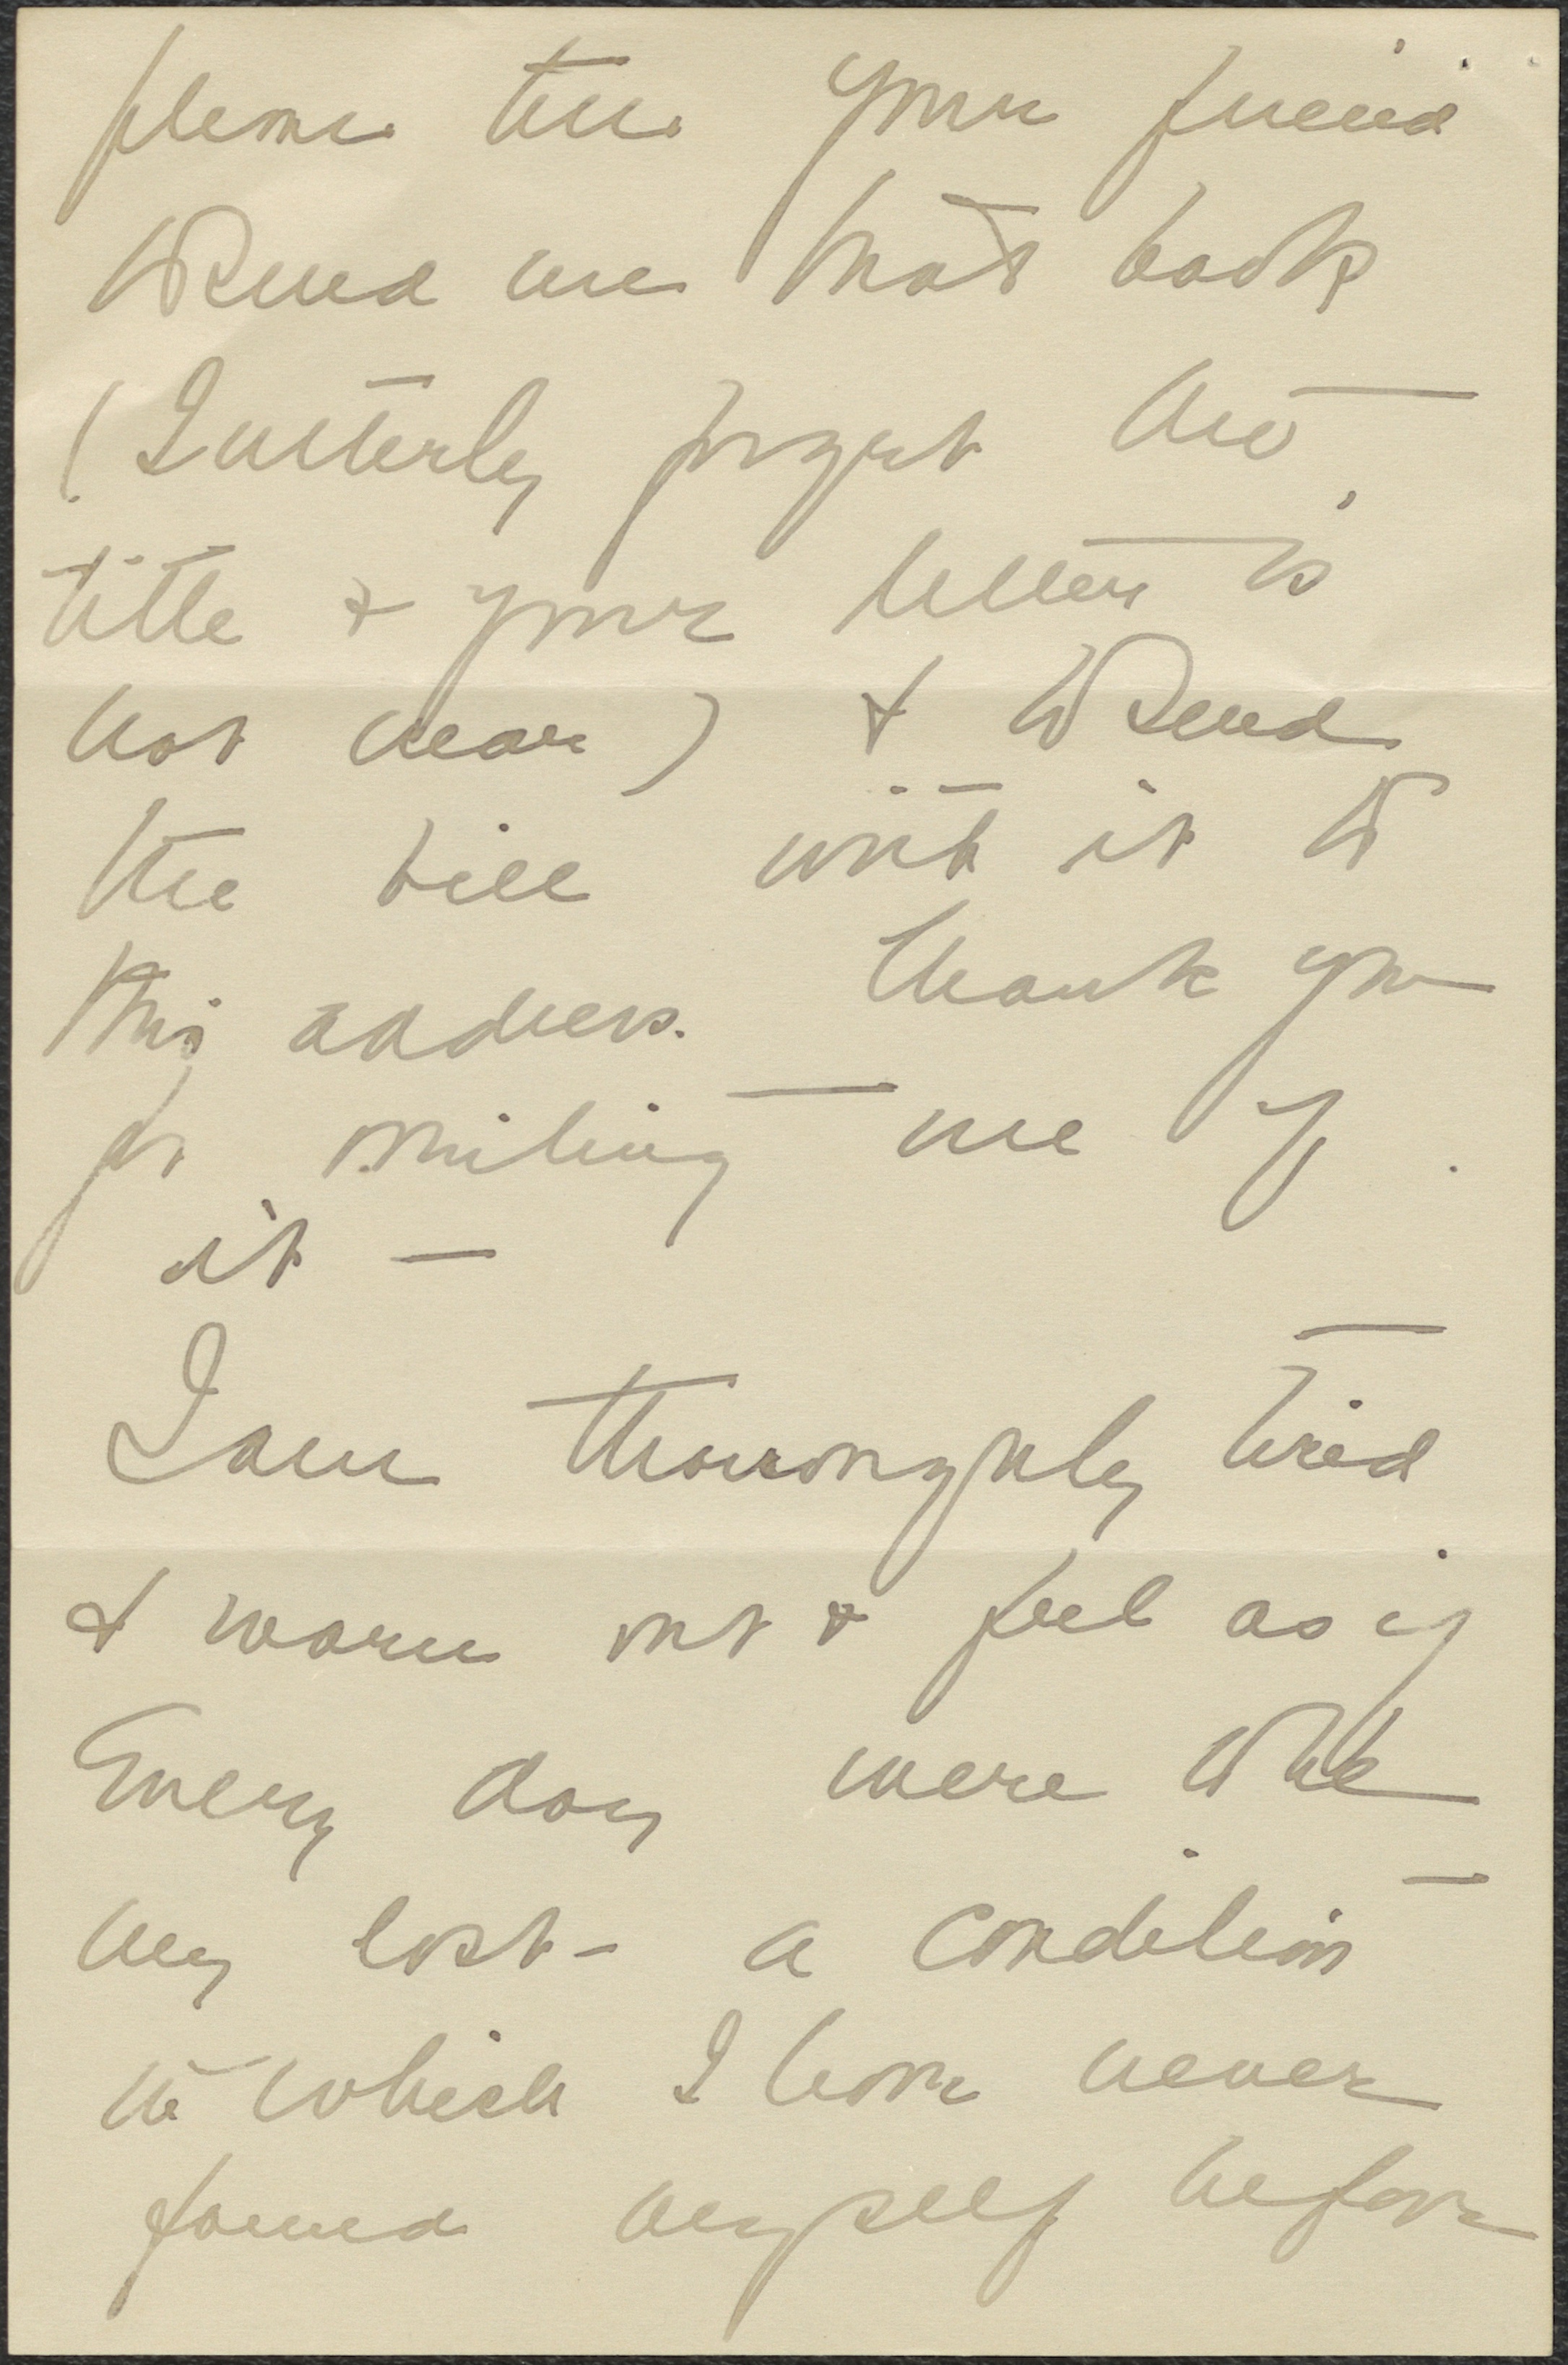please tell your friend to send me that book (I utterly forget the title & your letter is not near) & to send the bill with it to this address. Thank you for writing me of it –
I am thoroughly tired & worn out & feel as if every day were to be my last – a condition in which I have never found myself before